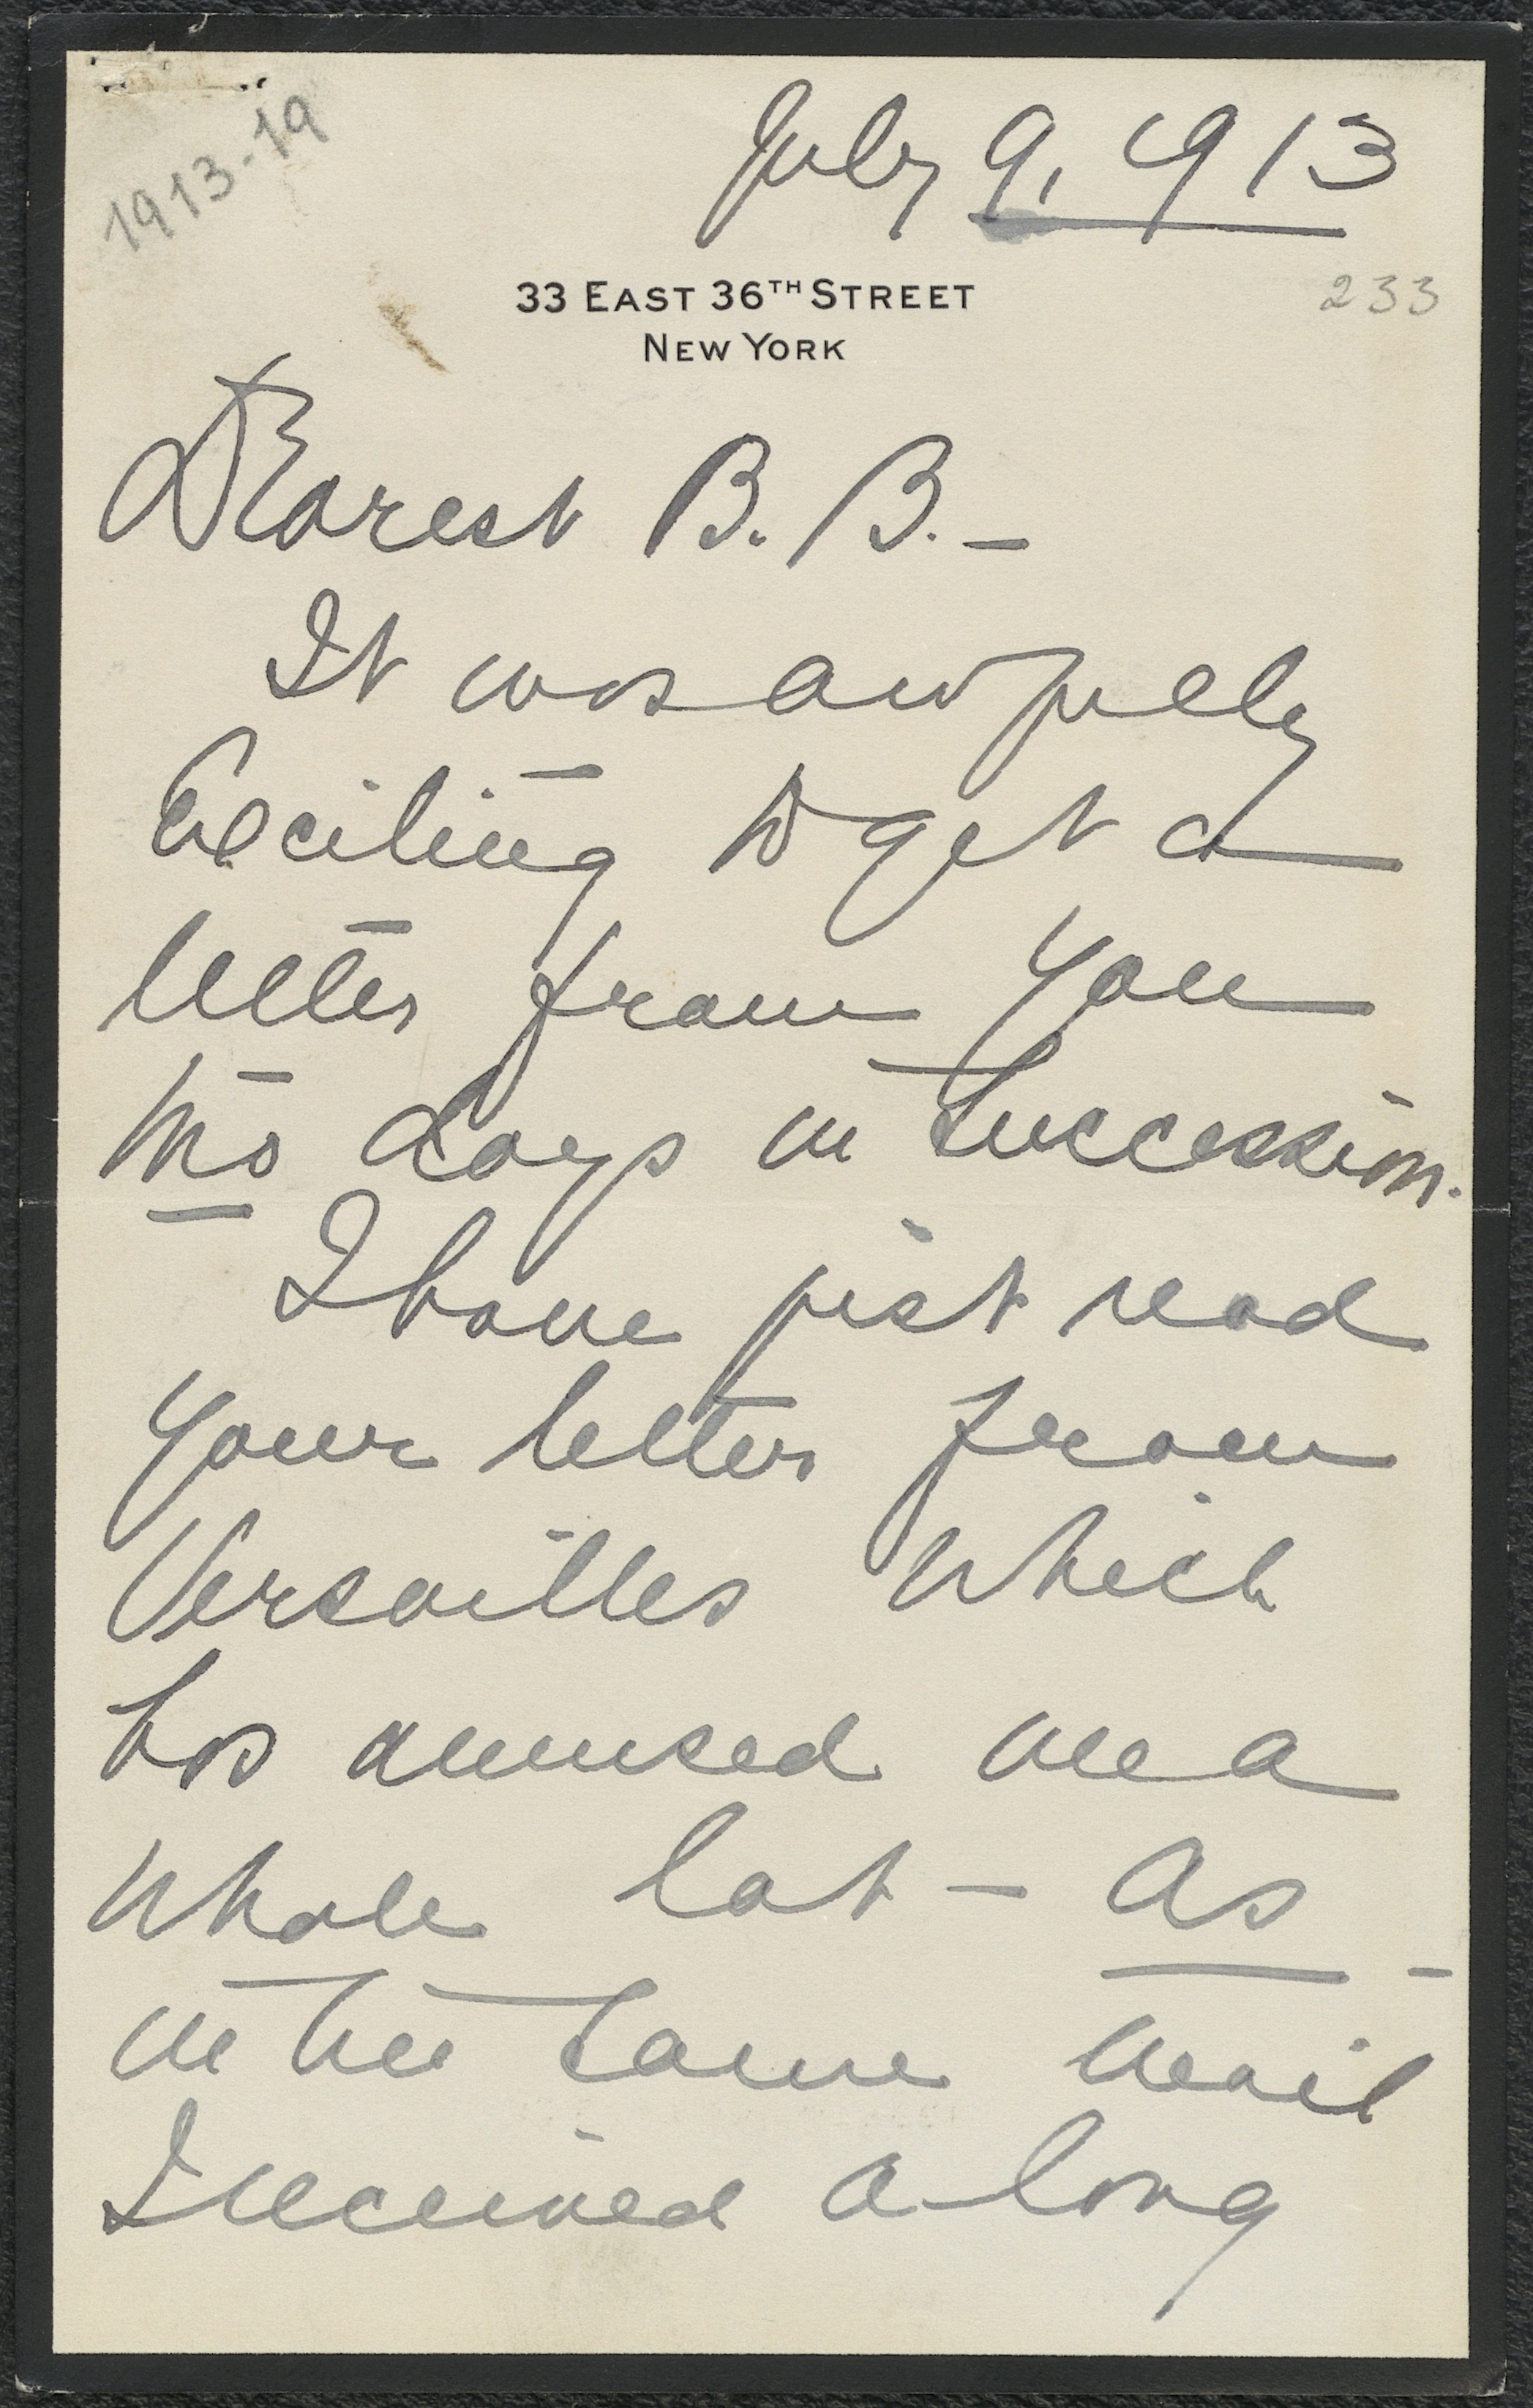July 9, 1913
Dearest B.B. –
It was awfully exciting to get a letter from you two days in succession.
I have just read your letter from Versailles which has amused me a whole lot – as in the same mail I received a long